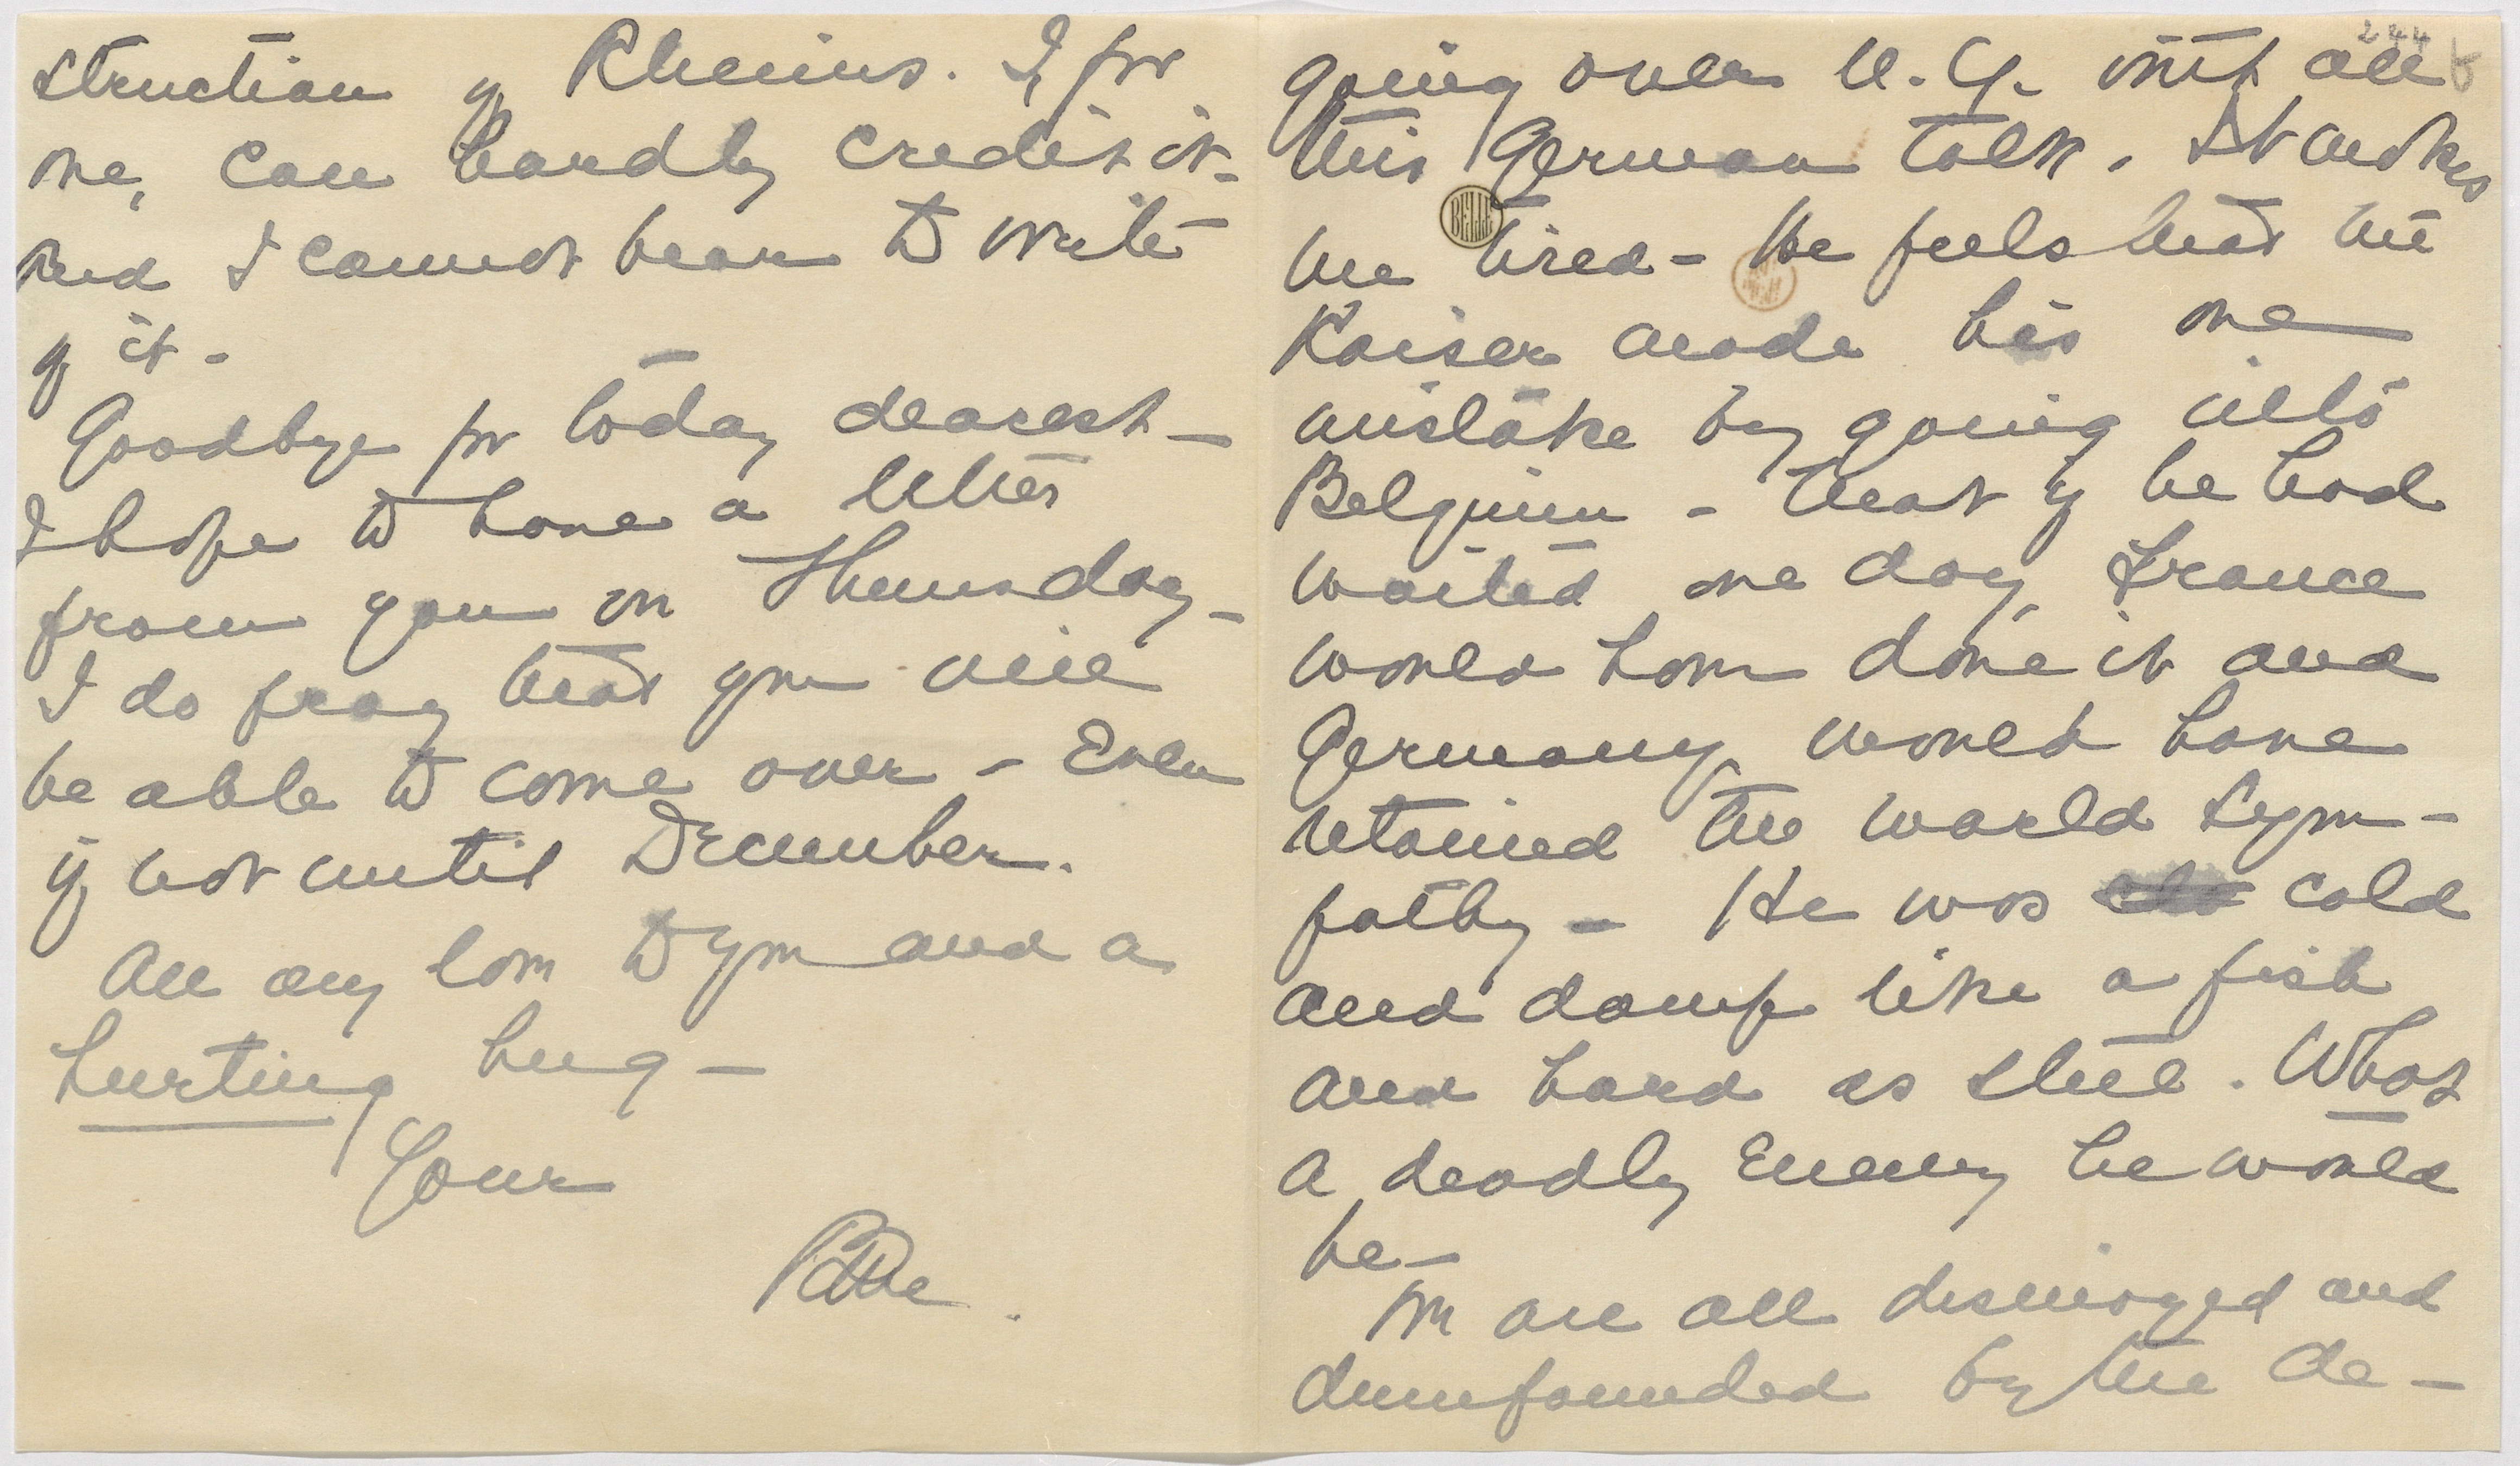going over N.Y. with all this German talk – It makes me tired – He feels that the Kaiser made his one mistake by going into Belgium – That it he had waited one day, France would have done it and Germany would have retained the world sympathy – He was clo cold and damp like a fish and hard as steel. What a deadly enemy he would be –
We are all dismayed and dumbfounded by the destruction
of Rheims. I, for one, can hardly credit it – and I cannot bear to write of it –
Goodbye for today dearest – I hope to have a letter from you on Thursday – I do pray that you will be able to come over – even if not until December.
All my love to you and a hurting hug –
Your
Belle.